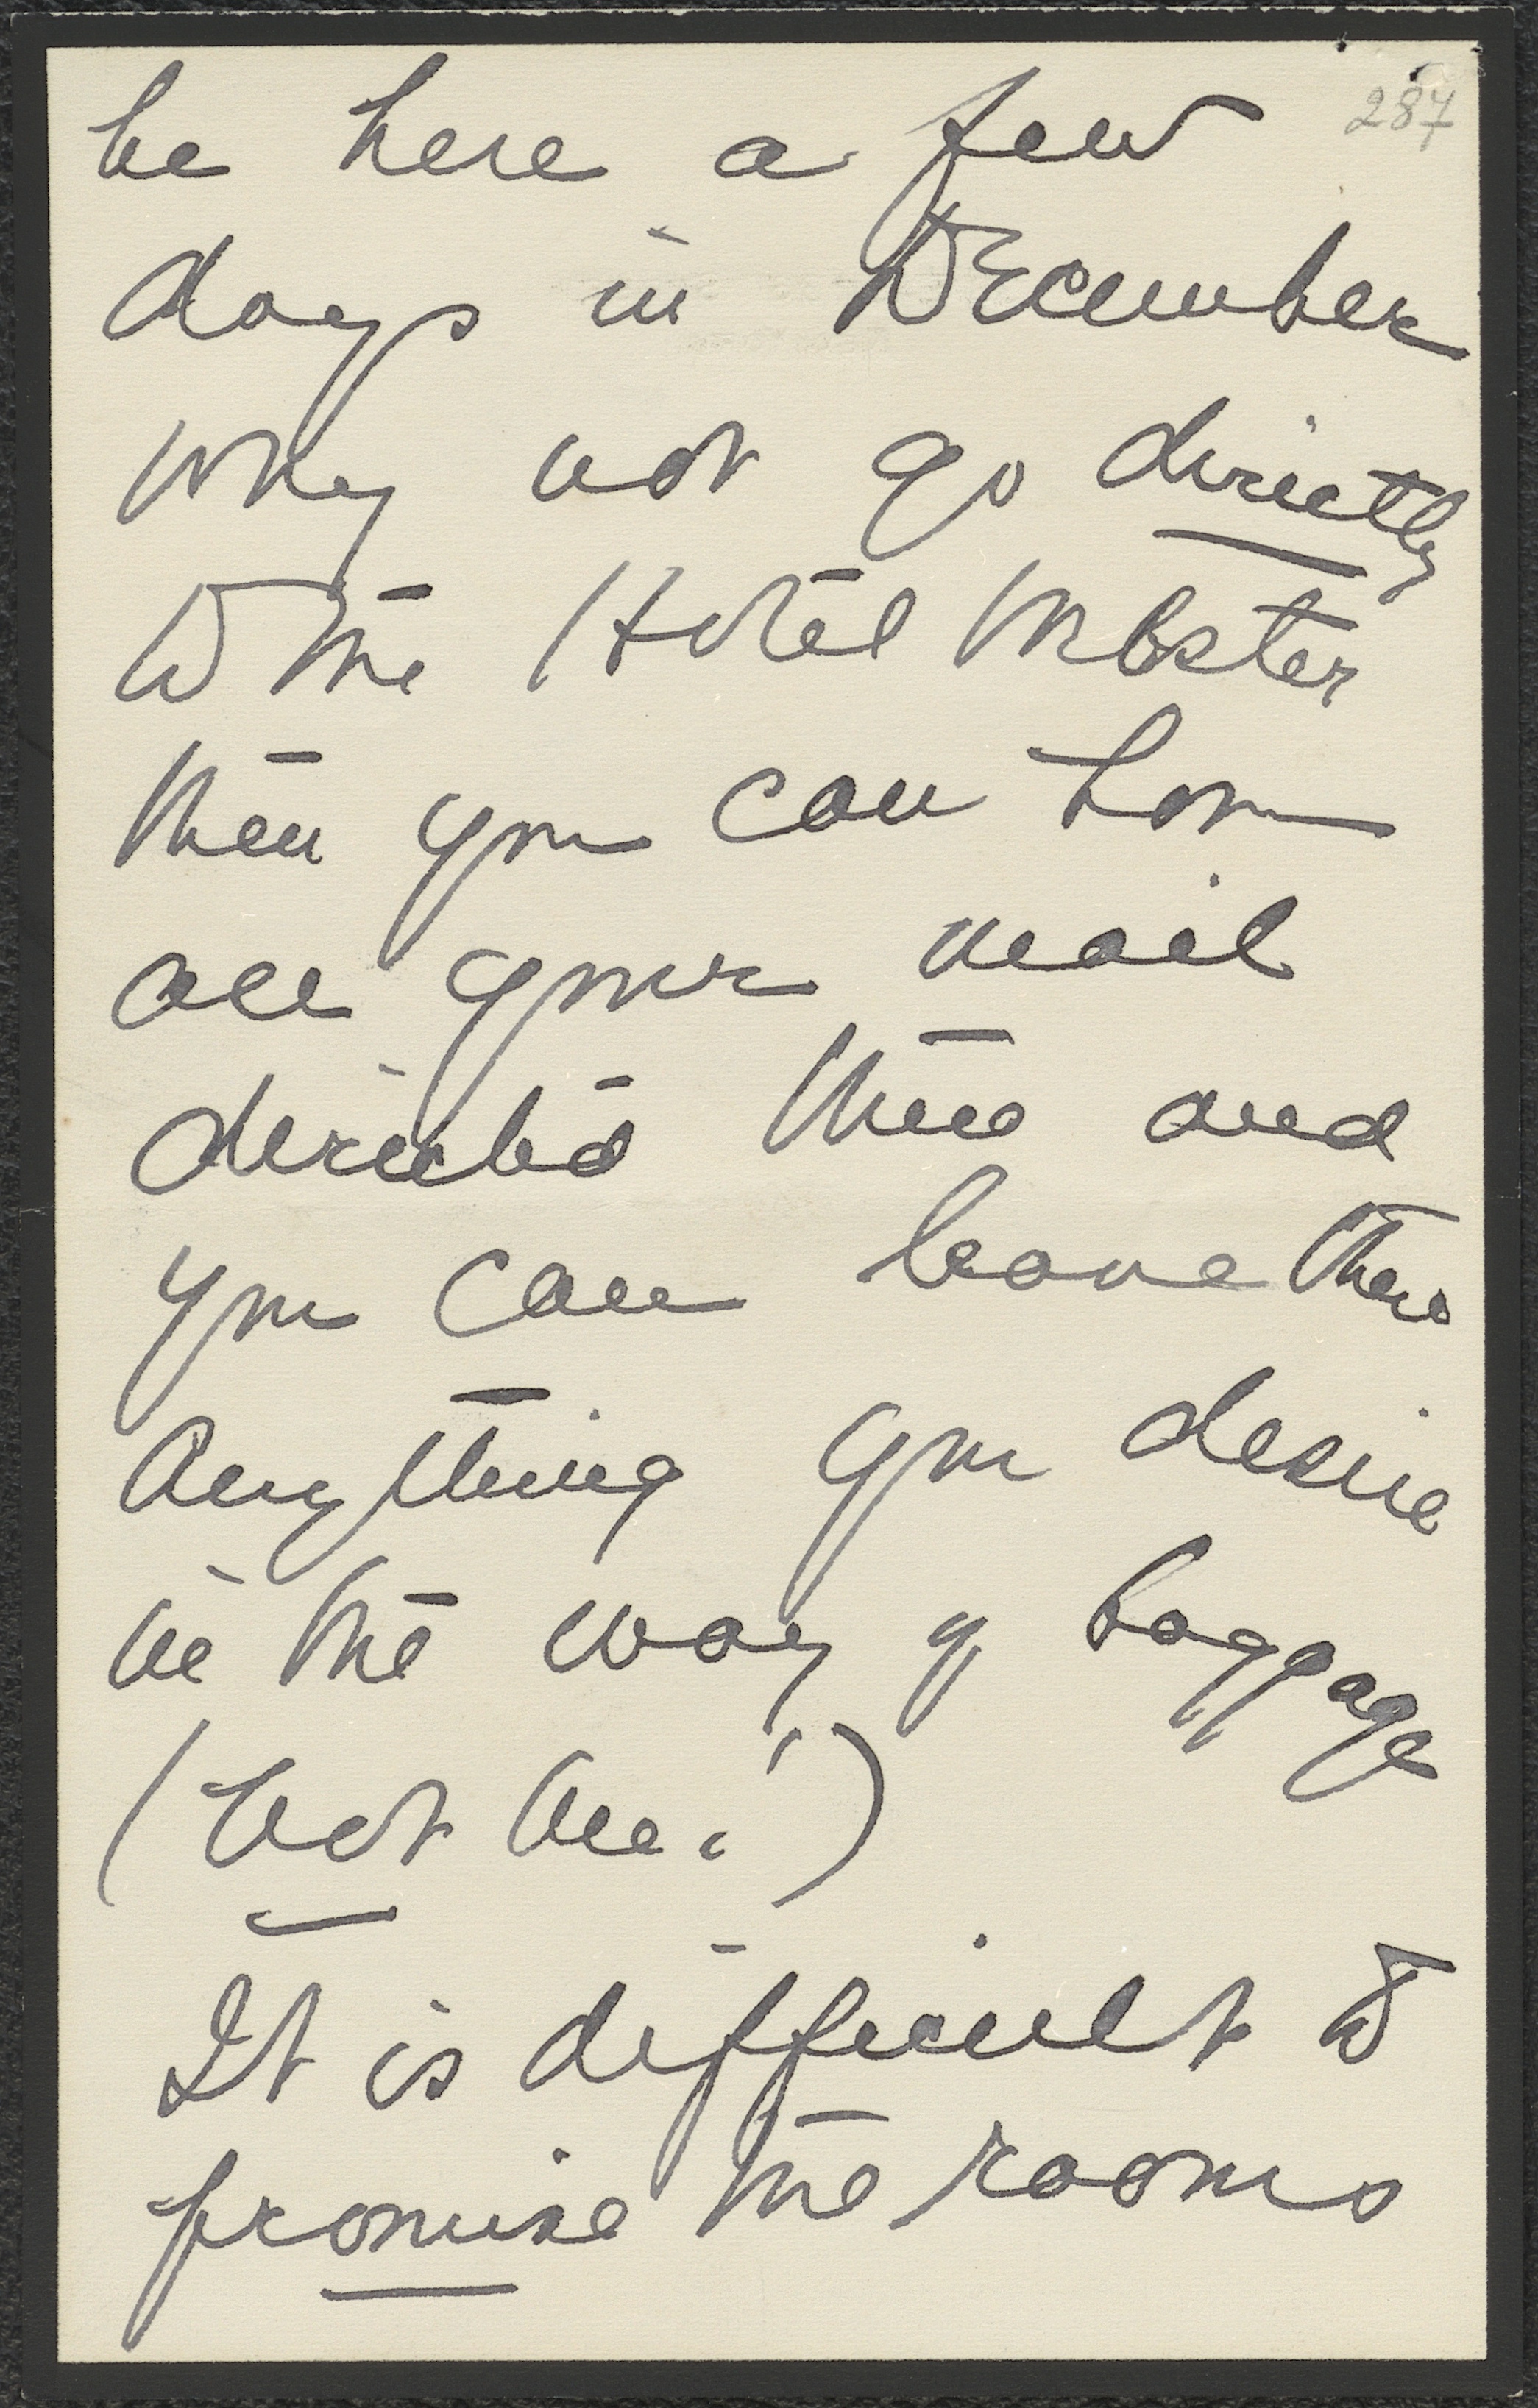be here a few days in December why not go directly to the Hotel Webster then you can have all your mail directed there and you can leave there anything you desire in the way of baggage (Not me!)
It is difficult to promise the rooms